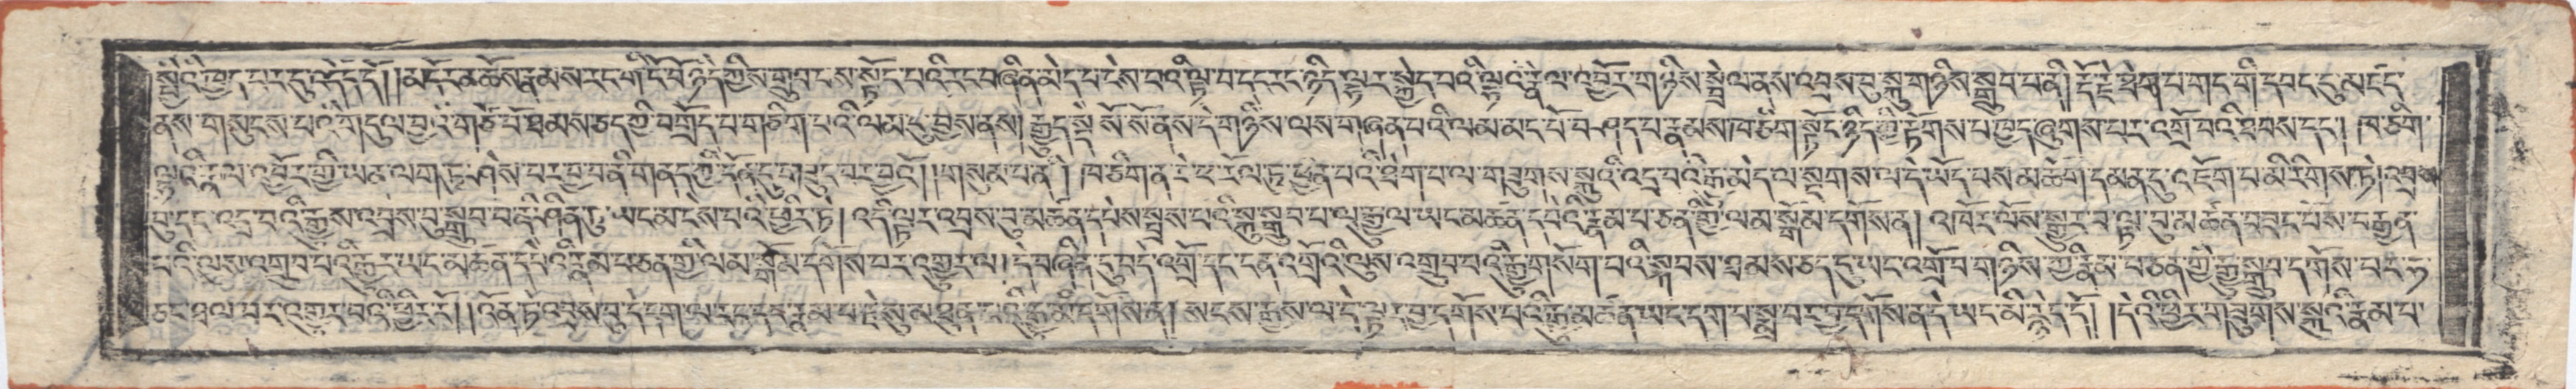སྤྱིའི་ཁྱད་པར་དུ་འདོད་དོ། །མདོར་ན་ཆོས་རྣམས་རང་གི་ངོ་བོ་ཉིད་ཀྱིས་གྲུབ་པས་སྟོང་པའི་རང་བཞིན་མེད་པ་ངེས་པའི་ལྟ་བ་དང་རང་ཉིད་ལྷར་སྐྱེད་པའི་ལྷའི་རྣལ་འབྱོར་གཉིས་སྦྲེལ་ནས་འབྲས་བུ་སྐུ་གཉིས་སྒྲུབ་པ་ནི། རྡོ་རྗེ་ཐེག་པ་གང་གི་དབང་དུ་མཛད་
ནས་གསུངས་པའི་གདུལ་བྱའི་གཙོ་བོ་ཐམས་ཅད་ཀྱི་བགྲོད་པ་གཅིག་པའི་ལམ་དུ་བྱས་ནས། རྒྱུད་སྡེ་སོ་སོ་ནས་དེ་གཉིས་ལས་གཞན་པའི་ལམ་མང་པོ་བཤད་པ་རྣམས་ཁ་ཅིག་སྟོང་ཉིད་ཀྱི་རྟོགས་པ་ཁྱད་ཞུགས་པར་འགྲོ་བའི་ཐབས་དང་། ཁ་ཅིག་
ལྷའི་རྣལ་འབྱོར་གྱི་ཡན་ལག་ཏུ་ཤེས་པར་བྱ་བ་ནི་གནད་ཀྱི་དོན་དུ་གཟུང་བར་བྱའོ། །གསུམ་པ་ནི། ཁ་ཅིག་ན་རེ་ཕ་རོལ་ཏུ་ཕྱིན་པའི་ཐེག་པ་ལ་གཟུགས་སྐུའི་འདྲ་བའི་རྒྱུ་མེད་ལ་སྔགས་ལ་དེ་ཡོད་པས་མཆོག་དམན་དུ་འཇོག་པ་མི་རིགས་ཏེ། འབྲས་
བུ་དང་འདྲ་བའི་རྒྱུས་འབྲས་བུ་སྒྲུབ་པ་ནི་ཤིན་ཏུ་ཡང་མ་ངེས་པའི་ཕྱིར་ཏེ། འདི་ལྟར་འབྲས་བུ་མཚན་དཔེས་སྤྲས་པའི་སྐུ་སྒྲུབ་པ་ལ་རྒྱུ་ལ་ཡང་མཚན་དཔེའི་རྣམ་པ་ཅན་གྱི་ལམ་སྒོམ་དགོས་ན། འཁོར་ལོས་སྒྱུར་བ་ལྟ་བུ་མཚན་བཟང་པོས་བརྒྱན་
པའི་ལུས་འགྲུབ་པའི་རྒྱུར་ཡང་མཚན་དཔེའི་རྣམ་པ་ཅན་གྱི་ལམ་སྒོམ་དགོས་པར་འགྱུར་ལ། དེ་བཞིན་དུ་བདེ་འགྲོ་དང་ངན་འགྲོའི་ལུས་འགྲུབ་པའི་རྒྱུ་གསོག་པའི་སྐབས་ཐམས་ཅད་དུ་ཡང་འགྲོ་བ་གཉིས་ཀྱི་རྣམ་པ་ཅན་གྱི་རྒྱུ་སྒྲུབ་དགོས་པར་ཧ་
ཅང་ཐལ་བར་འགྱུར་བའི་ཕྱིར་རོ། །འོན་ཏེ་འབྲས་བུ་དེ་དག་ལ་རང་དང་རྣམ་པ་རྗེས་སུ་མཐུན་པའི་རྒྱུ་མི་དགོས་ན། སངས་རྒྱས་ལ་དེ་ལྟར་བྱ་དགོས་པའི་རྒྱུ་མཚན་ཡང་དག་པ་སྨྲ་བར་བྱ་དགོས་ན་དེ་ཡང་མི་རྙེད་དོ། །དེའི་ཕྱིར་གཟུགས་སྐུའི་རྣམ་པ་